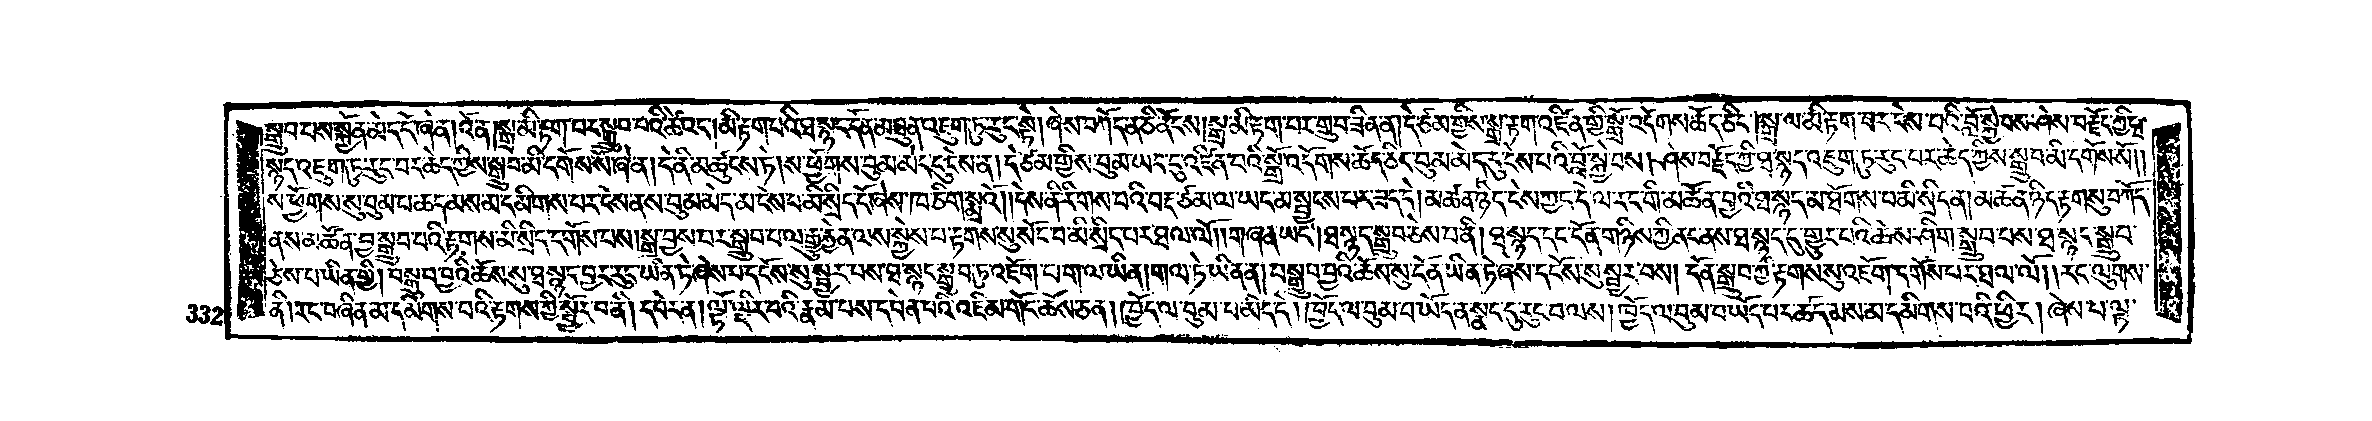སྒྲུབ་པས་སྐྱོན་མེད་དོ་ཞེ་ན། འོ་ན། སྒྲ་མི་རྟག་པར་སྒྲུབ་པའི་ཚེའང་། མི་རྟག་པའི་ཐ་སྙད་དན་མཐུན་འཇུག་ཏུ་རུང་སྟེ། ཞེས་བཀོད་ན་ཅི་ནོངས། སྒྲ་མི་རྟག་པར་གྲུབ་ཟིན་ན། དེ་ཙམ་གྱིས་སྒྲ་རྟག་འཛིན་གྱི་སྒྲོ་འདོགས་ཆོད་ཅིང་། སྒྲ་ལ་མི་རྟག་པར་ངེས་པའི་བློ་སྐྱེ་བས་ཤེས་བརྗོད་ཀྱི་ཐ་
སྙད་འཇུག་ཏུ་རུང་བར་ཆེད་ཀྱིས་སྒྲུབ་མི་དགོས་སོ་ཞེ་ན། དེ་ནི་མཚུངས་ཏེ། ས་ཕྱོགས་བུམ་མེད་དུ་ངེས་ན། དེ་ཙམ་གྱིས་བུམ་ཡོད་དུ་འཛིན་པའི་སྒྲོ་འདོགས་ཆོད་ཅིང་བུམ་མེད་དུ་ངེས་པའི་བློ་སྐྱེ་བས། ཤེས་བརྗོད་ཀྱི་ཐ་སྙད་འཇུག་ཏུ་རུང་བར་ཆེད་ཀྱིས་སྒྲུབ་མི་དགོས་སོ། །
ས་ཕྱོགས་སུ་བུམ་པ་ཚད་མས་མ་དམིགས་པར་ངེས་ནས་བུམ་མེད་མ་ངེས་པ་མི་སྲིད་དོ་ཞེས་ཁ་ཅིག་སྨྲའོ། །དེས་ནི་རིགས་པའི་བརྡ་ཙམ་ལ་ཡང་མ་སྦྱངས་པར་ཟད་དེ། མཚན་ཉིད་ངེས་ཀྱང་དེ་ལ་རང་གི་མཚོན་བྱའི་ཐ་སྙད་མ་ཐོགས་པ་མི་སྲིད་ན། མཚན་ཉིད་རྟགས་སུ་བཀོད་
ནས་མ་ཚོན་བྱ་སྒྲུབ་པའི་རྟགས་མི་སྲིད་དགོས་པས། སྒྲ་བྱས་པར་སྒྲུབ་པ་ལ་རྒྱུ་རྐྱེན་ལས་སྐྱེས་པར་ཏགས་སུ་སོང་བ་མི་སྲིད་པར་ཐལ་ལོ། །གཞན་ཡང་། ཐ་སྙད་སྒྲུབ་ཅེས་པ་ནི། ཐ་སྙད་དང་དོན་གཉིས་ཀྱི་ནང་ནས་ཐ་སྙད་དུ་གྱུར་པའི་ཆེས་ཤིག་སྒྲུབ་པས་ཐ་སྙད་སྒྲུབ་
ཅེས་པ་ཡིན་གྱི། བསྒྲུབ་བྱའི་ཆོས་སུ་ཐ་སྙད་བྱར་རུང་ཡིན་ཏེ་ཞེས་པ་དངོས་སུ་སྦྱར་བས་ཐ་སྙད་སྒྲུབ་ཏུ་འཇོག་པ་ག་ལ་ཡིན། གལ་ཏེ་ཡིན་ན། བསྒྲུབ་བྱའི་ཆོས་སུ་དོན་ཡིན་ཏེ་ཞེས་དངོས་སུ་སྦྱར་བས། དོན་སྒྲུབ་ཀྱི་རྟགས་སུ་འཇོག་དགོས་པར་ཐལ་ལོ། །རང་ལུགས་
ནི། རང་བཞིན་མ་དམིགས་པའི་རྟགས་ཀྱི་སྦྱོར་བ་ནི། དཔེར་ན། ལྟོ་ལྡིར་བའི་རྣམ་པས་དབེན་པའི་འཇིམ་གོང་ཆོས་ཅན། ཁྱོད་ལ་བུམ་པ་མེད་དེ། ཁྱོད་ལ་བུམ་པ་ཡོད་ན་སྣང་དུ་རུང་བ་ལས། ཁྱོད་ལ་བུམ་པ་ཡོད་པར་ཚད་མས་མ་དམིགས་པའི་ཕྱིར། ཞེས་པ་ལྟ་